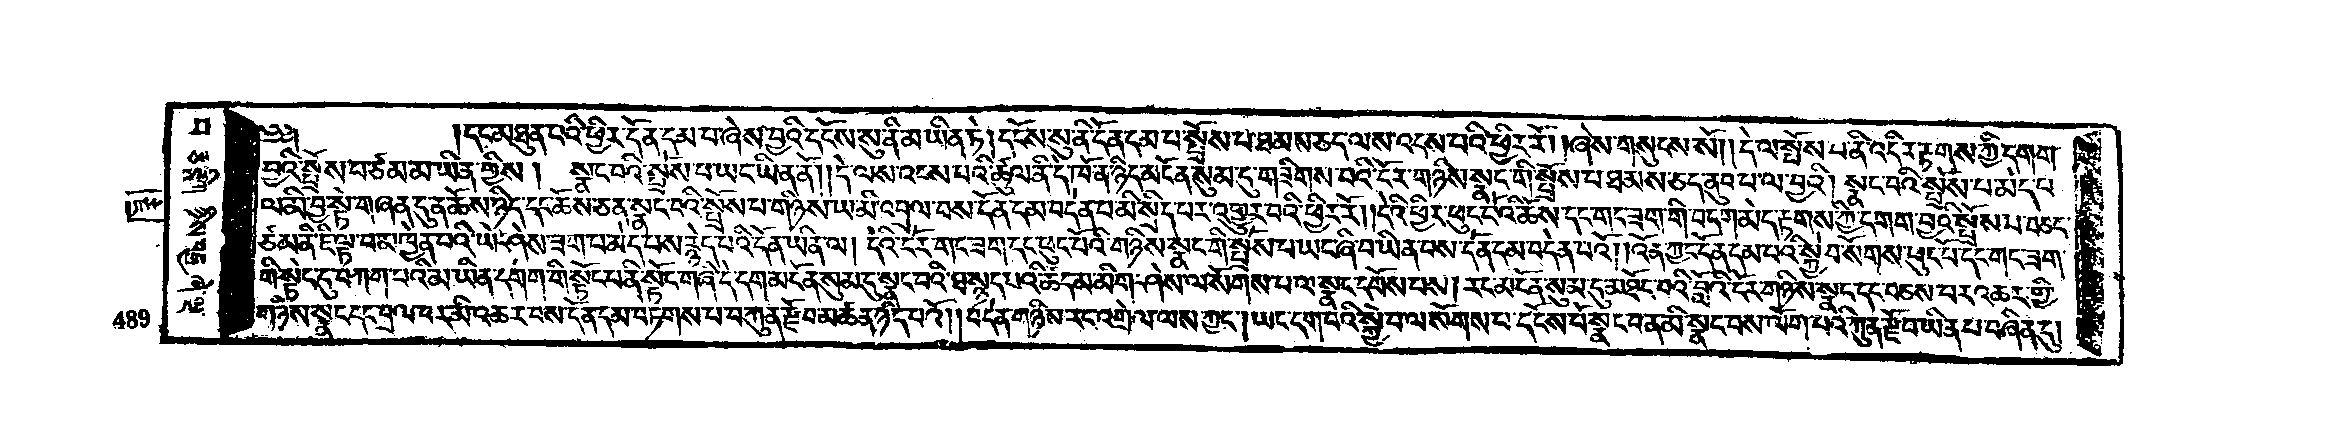༄༅། །དང་མཐུན་པའི་ཕྱིར་དོན་དམ་པ་ཞེས་བྱའི་དངོས་སུ་ནི་མ་ཡིན་ཏེ། དངོས་སུ་ནི་དོན་དམ་པ་སྤྲོས་པ་ཐམས་ཅད་ལས་འདས་པའི་ཕྱིར་རོ། །ཞེས་གསུངས་སོ། །དེ་ལ་སྤོས་པ་ནི་འདིར་རྟགས་ཀྱི་དགག་
བྱའི་སྤྲོས་པ་ཙམ་མ་ཡིན་གྱིས། སྣང་བའི་སྤྲོས་པ་ཡང་ཡིན་ནོ། །དེ་ལས་འདས་པའི་ཚུལ་ནི་དེ་ཁོ་ན་ཉིད་མངོན་སུམ་དུ་གཟིགས་པའི་ངོར་གཉིས་སྣང་གི་སྤྲོས་པ་ཐམས་ཅད་ནུབ་པ་ལ་བྱའི། སྣང་བའི་སྤྲོས་པ་མེད་པ་
ལ་མི་བྱ་སྟེ་གཞན་དུ་ན་ཆོས་ཉིད་དང་ཆོས་ཅན་སྣང་བའི་སྤྲོས་པ་གཉིས་ཡ་མི་འབྲལ་བས་དོན་དམ་བདེན་པ་མི་སྲིད་པར་འགྱུར་བའི་ཕྱིར་རོ། །དེའི་ཕྱིར་ཕུང་པོའི་ཆོས་དང་གང་ཟག་གི་བདག་མེད་རྟགས་ཀྱི་དགག་བྱའི་སྤྲོས་པ་བཅད་
ཙམ་ནི་ཇི་ལྟ་བ་མཁྱེན་པའི་ཡེ་ཤེས་ཟག་པ་མེད་པས་རྙེད་པའི་དོན་ཡིན་ལ། དེའི་ངོར་གང་ཟག་དང་ཕུང་པོའི་གཉིས་སྣང་གི་སྤྲོས་པ་ཡང་ཞི་བ་ཡིན་པས་དོན་དམ་བདེན་པའོ། །འོན་ཀྱང་དོན་དམ་པའི་སྐྱེ་བ་སོགས་ཕུན་པོ་དང་གང་ཟག་
གི་སྟེང་དུ་བཀག་པའི་མ་ཡིན་དགག་གི་སྟོང་པ་ནི་སྟོང་གཞི་དེ་དག་མངོན་སུམ་དུ་སྣང་བའི་ཐ་སྙད་པའི་ཚད་མ་མིག་ཤེས་ལ་སོགས་པ་ལ་སྣང་དགོས་པས། རང་མངོན་སུམ་དུ་མཐོང་བའི་བློའི་ངོར་གཉིས་སྣང་དང་བཅས་པར་འཆར་གྱི་
གཉིས་སྣང་དང་བྲལ་བར་མི་འཆར་བས་དོན་དམ་བཏགས་པ་བ་ཀུན་རྫོབ་མཚན་ཉིད་པའོ། །བདེན་གཉིས་རང་འགྲེལ་ལས་ཀྱང་། ཡང་དག་པའི་སྐྱེ་བ་ལ་སོགས་པ་དངོས་པོ་སྣང་བ་ན་མི་སྣང་བས་ལོག་པའི་ཀུན་རྫོབ་ཡིན་པ་བཞིན་དུ།